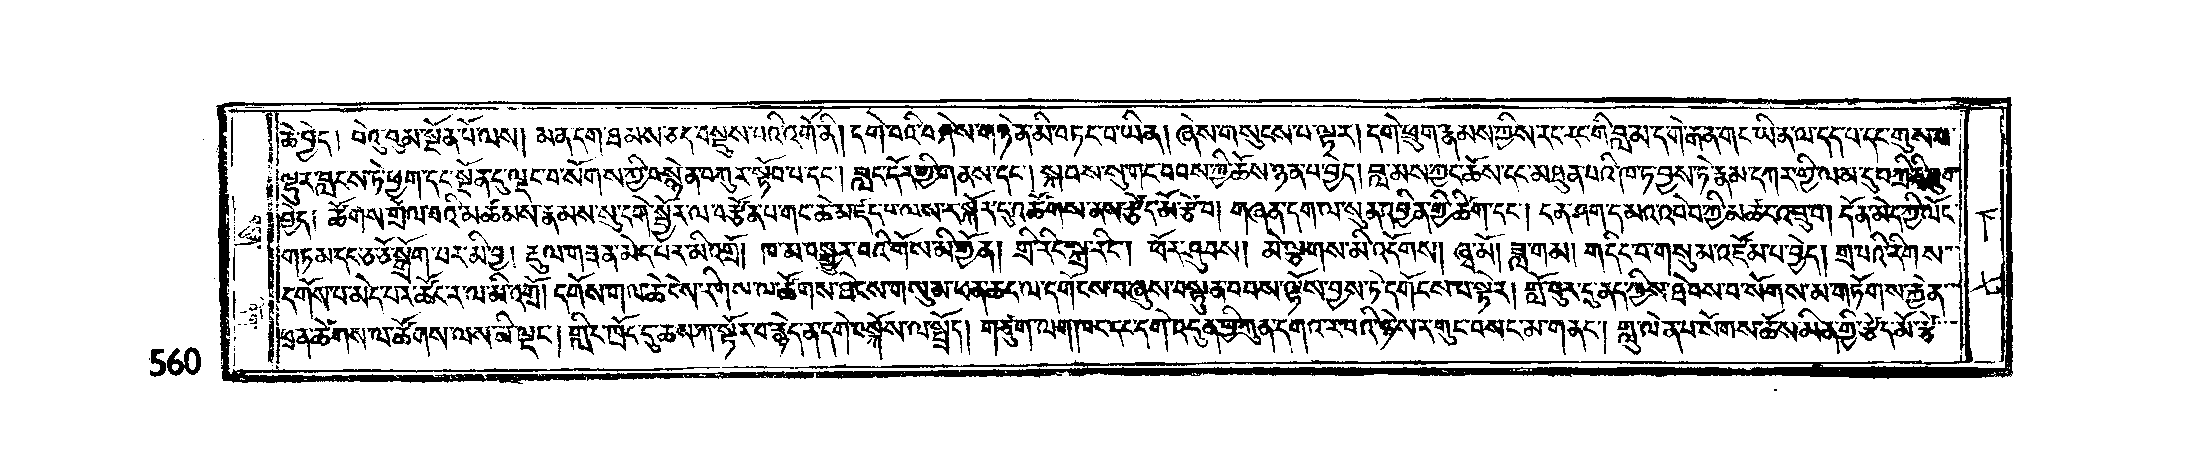ཆེ་བྱེད། བེའུ་བུམ་སྔོན་པོ་ལས། མན་ངག་ཐམས་ཅད་བསྡུས་པའི་འགོ་ནི། དགེ་བའི་བཤེས་གཉེན་མི་བཏང་བ་ཡིན། ཞེས་གསུངས་པ་ལྟར། དགེ་ཕྲུག་རྣམས་ཀྱིས་རང་རང་གི་བླ་མ་དགེ་རྒན་གང་ཡིན་ལ་དད་པ་དང་གུས་པ་
ལྷུར་བླངས་ཏེ་ཕྱག་དང་སྔོན་དུ་ལྡང་བ་སོགས་ཀྱི་བསྙེན་བཀུར་སྟོབ་པ་དང་། ལྦང་དོར་གྱི་གནས་དང་། སྐབས་སུ་གང་བབས་ཀྱི་ཆོས་ཉན་པ་བྱེད། བླ་མས་ཀྱང་ཆོས་དང་མཐུན་པའི་ཁ་ཏ་བྱས་ཏེ་རྣམ་དཀར་ཀྱི་ལམ་དུ་བཀྲི་ནི་ཐུབ་
བྱེད། ཚོགས་གྲོལ་བའི་མཚམས་རྣམས་སུ་དགེ་སྦྱོར་ལ་བརྩོན་པ་གང་ཆེ་མཛད་པ་ལས་ར་སྐོར་དུ་འཚོགས་ནས་རྩེད་མོ་རྩེ་བ། གཞན་དག་ལ་སུན་འབྱིན་གྱི་ཚིག་དང་། ངན་ཤག་དམའ་འབེབ་ཀྱི་མཚང་འབྲུ་བ། དོན་མེད་ཀྱི་ལོང་
གཏམ་དང་ཅ་ཅོ་སྒྲོག་པར་མི་བྱ། རྡུལ་གཟན་མེད་པར་མི་འགྲོ། ཁ་མ་བསྒྱུར་བའི་གོས་མི་གྱོན། གྲི་རིང་སྐྲ་རིང་། ཕོར་ཤུབས། མེ་ལྕགས་མི་འདོགས། ཞྭ་མོ། ཟླ་གམ། གདིང་བ་གསུམ་འཛོམ་པ་བྱེད། གྲ་པའི་རིགས་
དགོས་པ་མེད་པར་ཚོང་ར་ལ་མི་འགྲོ་།དགོས་གལ་ཆེ་ངེས་རིགས་ལ་ཚོགས་ཐེངས་གསུམ་ཕན་ཆང་ལ་དགོངས་བ་ཞུས་བསྟུན་བབས་ལྟོས་བྱས་ཏེ་དགོངས་པ་སྟེར། གློ་བུར་དུ་ནད་ཀྱིས་ཐེབས་པ་སོགས་མ་གཏོགས་རྐྱེན་
ཕྲན་ཚེགས་ལ་ཚོགས་ལས་མི་ལྡང་། གླིང་ཁྲོང་དུ་ཆས་ཀ་སྟོར་བ་རྙེད་ན་དགེ་བསྐོས་ལ་སྤྲོད། གཙུག་ལག་ཁང་དང་དགེ་འདུན་གྱི་ཀུན་དགའ་ར་བའི་ཉེ་སར་གུང་བསང་མ་གནང་། གླུ་ལེན་པ་སོགས་ཆོས་མིན་གྱི་རྩེད་མོ་རྩེ་